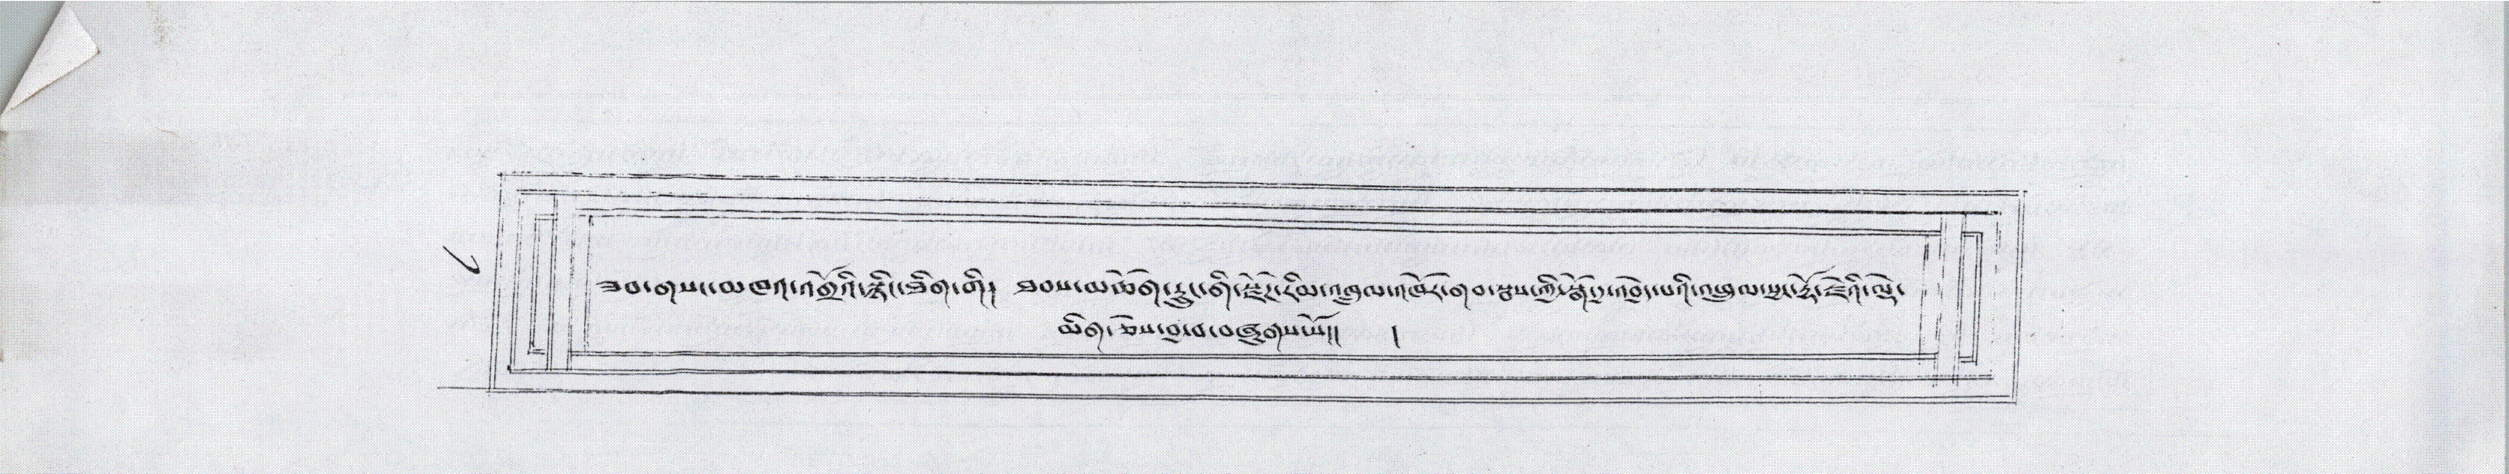ཟབ་ལམ་མཁའ་འགྲོའི་སྙིང་ཐིག་གི ཐབས་མཆོག་རླུང་གི་རྫོགས་རིམ་འཁྲུལ་འཁོར་གབ་སྦས་ཀྱི་སྒོ་བརྒྱ་འབྱེད་པའི་འཕྲུལ་གསང་རྡོ་རྗེའི་ལྡེ་མིག་ཅེས་བྱ་བ་བཞུགས་སོ།།